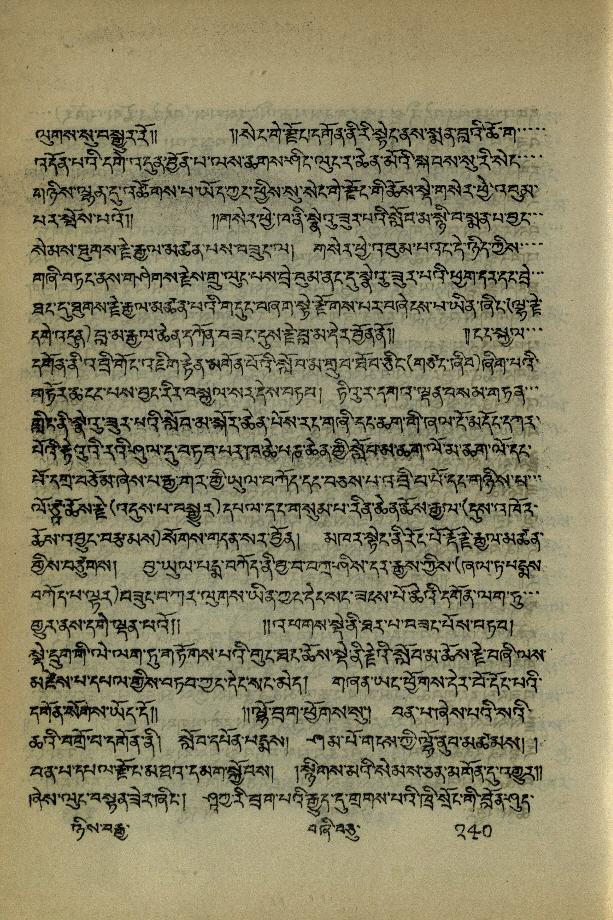ལུགས་སུ་བསྒྱུར་རོ།། །།སེང་གེ་རྫོབ་དགོན་ནི་རི་སྟེང་ནས་སྨན་བླའི་ཆོ་ག་
འདོན་པའི་དགེ་འདུན་བྱོན་པ་ལས་ཆགས་ཤིང་ལུང་ར་ཆེན་མོའི་སྐབས་སུ་རི་སེང་
གཉིས་ལྷན་དུ་འཚོགས་པ་ཡོད་ཀྱང་ཕྱིས་སུ་སེང་གེ་རྫོང་གི་ཆོས་སྡེ་གསེར་ཕྱེ་འབུམ་
པར་སྤོས་པའོ།། །།གསེར་ཕྱེ་ཁ་ནི་སྣེའུ་ཟུར་པའི་སློབ་མ་སྙི་བ་སྨན་པ་བྱང་
སེམས་ཐུགས་རྗེ་རྒྱལ་མཚན་པས་བཟུང་ལ། གསེར་ཕྱེ་འབུམ་པའང་དེ་ཉིད་ཀྱིས་
གཞི་བཏང་ནས་གཤེགས་རྗེས་གྲུ་ལུང་པས་བྲེ་བུམ་ནང་དུ་སྣེའུ་ཟུར་པའི་ཕྱག་དར་དང་བྲེ་
ཐང་དུ་ཐུགས་རྗེ་རྒྱལ་མཚན་པའི་གདུང་བཞག་སྟེ་རྫོགས་པར་བཞེངས་པ་ཡིན་ཞིང་ལྷ་རྗེ་
དགེ་འདུན་བླ་མ་རྒྱལ་ཆེན་དཀོན་བཟང་དུས་རྗེ་བླ་མ་དེར་བྱོན་ནོ།། །།ངང་སྐྱལ་
དགོན་ནི་འབྲི་གོང་འཇིག་རྟེན་མགོན་པོའི་སློབ་མ་གྲུབ་ཐོབ་ཅིང་གཙང་ཞིབ་ཞིག་པའི་
གཏོར་ཆ་ངང་པས་བྱང་རིར་བསྐྱལ་སར་དེས་བཏབ། ཏིའུ་ར་དགའ་ལྡན་བསམ་གཏན་
གླིང་ནི་སྣེའུ་ཟུར་པའི་སློབ་མ་སྐོར་ཆེན་པོས་རང་གཞི་དང་ཆག་གི་ཞལ་ངོ་མདོང་དཀར་
པོའི་རྟེའུའི་རའི་ཤུལ་དུ་བཏབ་པར་ཁ་ཆེ་པཎ་ཆེན་གྱི་སློབ་མ་ཆག་ལོ་མ་ཆག་ལོ་དང་
པོ་དགྲ་བཅོམ་ཞེས་པ་རྒྱ་གར་གྱི་ཡུལ་བཀོད་དང་བཅས་པ་འབྲི་བ་པོ་དང་གཉིས་པ་
ལོ་ཙཱ་ཆོས་རྗེ་འདུས་པ་བསྒྱུར་དཔལ་དང་གསུམ་པ་རིན་ཆེན་ཆོས་རྒྱལ་དུས་འཁོར་
ཆོས་འབྱུང་བརྩམས་སོགས་གདན་སར་བྱོན། མཁར་སྟེང་ནི་རོང་པོ་རྡོ་རྗེ་རྒྱལ་མཚན་
གྱིས་བཙུགས། བྱ་ཡུལ་པདམ་བཀོད་ནི་བྱ་བ་བཀྲ་ཤིས་དར་རྒྱས་ཀྱིས་ཞལ་ཏ་པདམས་
བཀོད་པ་ལྟར་བཟུང་བ་ཀར་ལུགས་ཡིན་ཀྱང་དེང་སང་ཟངས་པོ་ཆེའི་དགོན་ལག་ཏུ་
གྱུར་ནས་དགེ་ལྡན་པའོ།། །།འཕགས་སྡེ་ནི་ཐར་པ་བཟང་པོས་བཏབ།
སྡེ་དྲུག་གི་ལེ་ལག་ཏུ་གཏོགས་པའི་གུང་ཐང་ཆོས་སྡེ་ནི་རྗེའི་སློབ་མ་ཆོས་རྗེ་བཞི་ལས་
མཛེས་པ་དཔལ་གྱིས་བཏབ་ཀྱང་དེང་སང་མེད། གཞན་ཡང་ཕྱོགས་དེར་པོ་དོང་པའི་
དགོན་སོགས་ཡོད་དོ།། །།ལྷོ་བྲག་ཕྱོགས་སུ། བན་པ་ཞེས་པའི་སའི་
ཆའི་བགྲོ་བ་དགོན་ནི། སློབ་དཔོན་པདམས། ཤམ་པོ་གངས་ཀྱི་ལྷོ་ནུབ་མཚམས། །
བན་པ་དཔལ་རྫོང་མཐའ་དམག་སྐྱོབས། །སྙིགས་མའི་སེམས་ཅན་མགོན་དུ་འགྱུར།།
ཞེས་ལུང་བསྟན་ཟེར་ཞིང་། ཤཱཀྱ་རི་བྲག་པའི་རྒྱུད་དུ་གྲགས་པའི་ཁྲི་སྲོང་གི་བློ་ན་ཤུད་